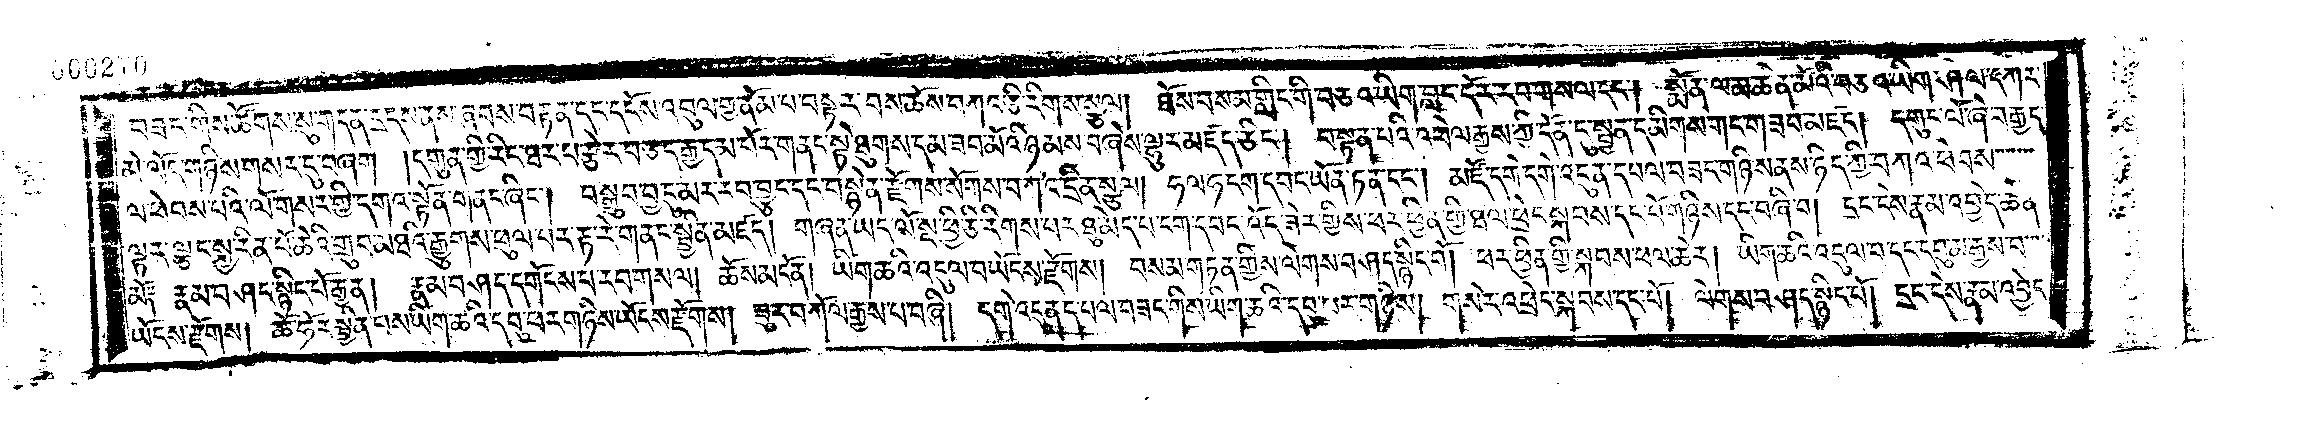བཟང་གིས་ཚོགས་སུ་གདན་དྲངས་ནས་ཞབས་བརྟན་དང་དངོས་འབུལ་གྱ་ནོམ་པ་བསྟར་བས་ཆོས་བཀའ་ཅི་རིགས་སྩལ། ཐོས་བསམ་གླིང་གི་བཅའ་ཡིག་བླང་དོར་རབ་གསལ་དང་། སྨོན་ལམ་ཆེན་མོའི་བཅའ་ཡིག་ཤེལ་དཀར་
མེ་ལོང་གཉིས་གསར་དུ་བཞག །དགུན་གྱི་རིང་ཐར་པ་རྩེར་བཅད་རྒྱ་དམ་པོར་གནང་སྟེ་ཐུགས་དམ་ཟབ་མོའི་ཉམས་བཞེས་ལྷུར་མཛད་ཅིང་། བསྟན་པའི་འཕེལ་རྒྱས་ཀྱི་དོན་དུ་སྦྱན་དམིགས་གང་གཟབ་མཛད། དགུང་ལོ་ཞེ་བརྒྱད་
ལ་ཕེབས་པའི་ལོ་གསར་གྱི་དགའ་སྟོན་གནང་ཞིང་། བསྒྲུབ་བྱ་དུ་མར་རབ་བྱུང་དང་བསྙེན་རྫོགས་སོགས་བཀའ་དྲིན་སྩལ། ཧལ་ཧ་ངག་དབང་ཡོན་ཏན་དང་། མཛོ་དགེ་དགེ་འདུན་དཔལ་བཟང་གཉིས་ནས་ཉིད་ཀྱི་བཀའ་ཕེབས་
ལྟར་ལྕང་སྐྱ་རིན་པོ་ཆེའི་གྲུབ་མཐའི་རྒྱུགས་ཕུལ་བར་རྟ་རེ་གནང་སྦྱིན་མཛད། གཞན་ཡང་ལོ་སྔ་ཕྱི་ཅི་རིགས་པར་ཐུ་མེད་པ་ངག་དབང་འོད་ཟེར་གྱིས་ཕར་ཕྱིན་གྱི་ཐལ་ཕྲེང་སྐབས་དང་པོ་གཉིས་དང་བཞི་པ། དྲང་ངེས་རྣམ་འབྱེད་ཆེན་
མོ༑ རྣམ་བཤད་སྙིང་པོ་རྒྱན། རྣམ་བཤད་དགོངས་པ་རབ་གསལ། ཆོས་མངོན། ཡིག་ཆའི་འདུལ་བ་ཡོངས་རྫོགས། བསམ་གཏན་གྱིས་ལེགས་བཤད་སྙིང་པོ། ཕར་ཕྱིན་གྱི་སྐབས་ཕལ་ཆེར། ཡིག་ཆའི་འདུལ་བ་དང་དབུ་མ་རྒྱས་པ་
ཡོངས་རྫོགས། ཆོ་ཧོར་སྦྱིན་པས་ཡིག་ཆའི་དབུ་ཕར་གཉིས་ཡོངས་རྫོགས། ཟུར་བཀོལ་རྒྱས་པ་བཞི། དགེ་འདུན་དཔལ་བཟང་གིས་ཡིག་ཆའི་དབུ་ཕར་གཉིས། གསེར་འཕྲེང་སྐབས་དང་པོ། ལེགས་བཤད་སྙིང་པོ། དྲང་ངེས་རྣམ་འབྱེད་